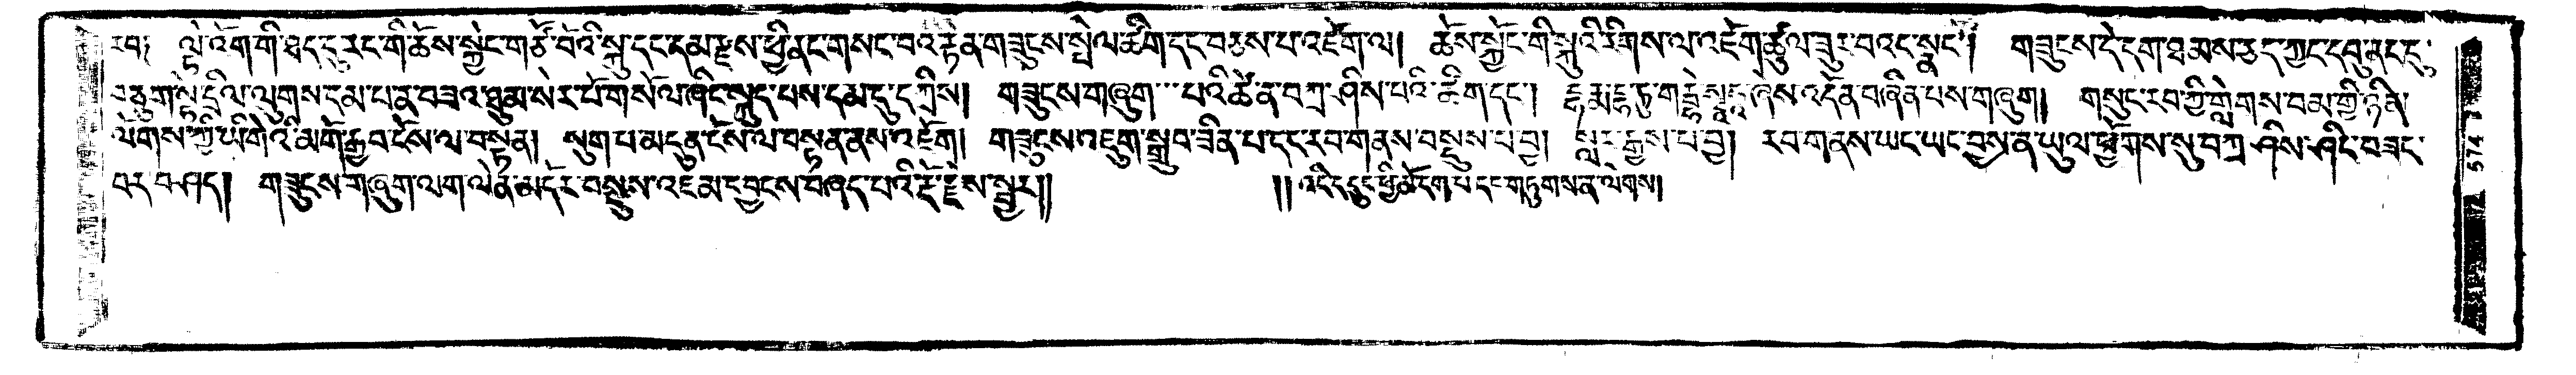རབ། ལྟེ་འོག་གི་ཐད་དུ་རང་གི་ཆོས་སྐྱེང་གཙོ་བོའི་སྐུ་དང་དམ་རྫས་ཕྱི་ནང་གསང་བའི་རྟེན་གཟུངས་སྤེལ་ཚིག་དང་བཅས་པ་འཇོག་ལ། ཆོས་སྐྱོང་གི་སྐུའི་རིགས་ལ་འཇོག་ཚུལ་བའང་སྣང་། གཟུངས་དེ་དག་ཐམས་ཅད་ཀྱང་དབུ་ནང་དུ་
བཅུག་སྟེ་དྲིལ་ལུགས་དམ་པ་ན་བཟའ་ཐུམ་སེར་པོ་གསོལ་ཞིང་སྐུད་པས་དམ་དུ་དཀྲིས། གཟུངས་གཞུག་པའི་ཚེ་ན་བཀྲ་ཤིས་པའི་ཚིག། དྷ་རྨ་དྷ་ཏུ་གརྦྷེ་སྭཱཧཱ་ཞེས་འདོན་བཞིན་པས་གཞུག །གསུང་རབ་ཀྱི་གླེགས་བམ་གྱི་ཉིན་
ལེགས་ཀྱི་ཡི་གེའི་མགོ་རྒྱབ་ངོས་ལ་བསྟན། སུག་པ་མདུན་ངོས་ལ་བསྟན་ནས་འཇོག །གཟུངས་འཇུག་སྒྲུབ་ཟིན་པ་དང་རབ་གནས་བསྡུས་པ་བྱ། སླར་རྒྱས་པ་བྱ། རབ་གནས་ཡང་ཡང་བྱས་ནས་ཡུལ་ཕྱོགས་སུ་བཀྲ་ཤིས་ཤིང་བཟང་
བར་བཤད། གཟུངས་གཞུག་ལག་ལེན་མདོར་བསྡུས་འཇམ་དབྱངས་བཞད་པའི་རྡོ་རྗེས་སྦྱར།། །།འདི་ད་དྲུང་ཕྱི་མོ་དག་པ་དང་གཏུགས་ན་ལེགས།